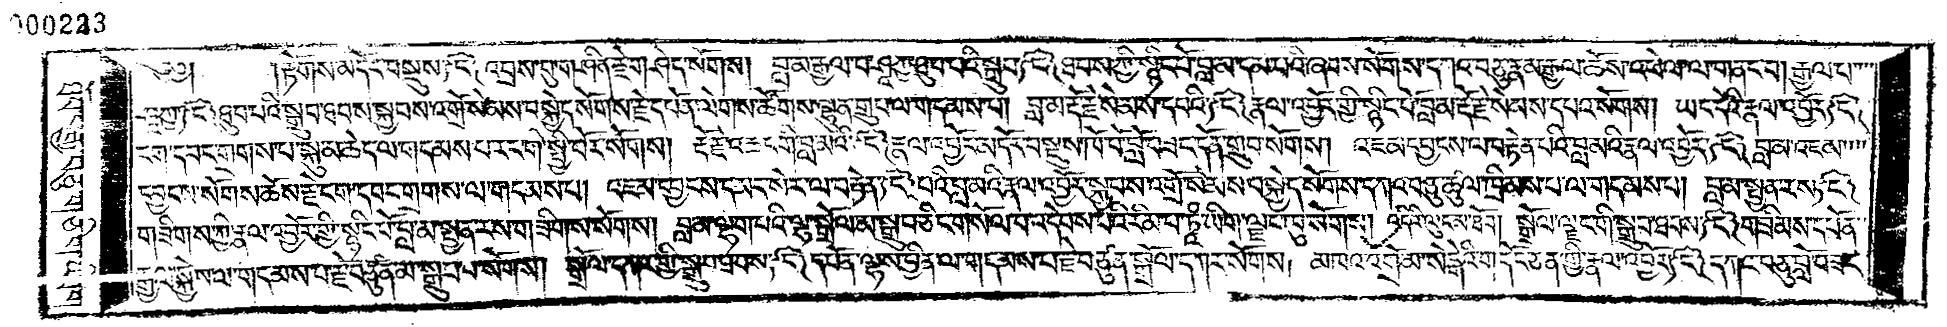༄༅། །རྟོགས་མདོར་བསྡུས ༼ང༽ འབྲས་བུ་གཤིན་རྗེ་གཤེད་སོགས། བླ་མ་རྒྱལ་བ་ཤཱཀྱ་ཐུབ་པའི་སྒྲུབ ༼ང༽ ཐབས་ཀྱི་སྙིང་པོ་བླ་མ་དམ་པའི་ཞབས་སོགས་དཀའ་བཅུ་རྣམ་རྒྱལ་ཆོས་འཕེལ་ལ་གནང་བ། རྒྱལ་པ་
ཤཱཀྱ ༼ང༽ ཐུབ་པའི་སྒྲུབ་ཐབས་སྐྱབས་འགྲོ་སེམས་བསྐྱེད་སོགས་རྗེ་དཔོན་ལེགས་ཚོགས་ལྷུན་གྲུབ་ལ་གདམས་པ། བླ་མ་རྡོ་རྗེ་སེམས་དཔའི ༼ང༽ རྣལ་འབྱོར་གྱི་སྙིང་པོ་བླ་མ་རྡོ་རྗེ་སེམས་དཔའ་སོགས། ཡང་དེའི་རྣལ་འབྱོར ༼ང༽
ངག་དབང་གྲགས་པ་སྐུ་མཆེད་ལ་གདམས་པ་རང་གི་སྤྱི་བོར་སོགས། རྡོ་རྗེ་འཆང་གི་བླ་མའི ༼ང༽ རྣལ་འབྱོར་མདོར་བསྡུས་ཁོ་བོ་བློ་བཟང་དོན་གྲུབ་སོགས། འཇམ་དབྱངས་ལ་བརྟེན་པའི་བླ་མའི་རྣལ་འབྱོར ༼ང༽ བླ་མ་འཇམ་
དབྱངས་སོགས་ཆོས་རྗེ་ངག་དབང་གྲགས་ལ་གདམས་པ། འཇམ་དབྱངས་དམར་སེར་ལ་བརྟེན ༼ང༽ པའི་བླ་མའི་རྣལ་འབྱོར་སྐྱབས་འགྲོ་སེམས་བསྐྱེད་སོགས་དཀའ་བཅུ་ཚུལ་ཁྲིམས་པ་ལ་གདམས་པ། བླ་མ་སྤྱན་རས ༼ང༽
གཟིགས་ཀྱི་རྣལ་འབྱོར་གྱི་སྙིང་པོ་བླ་མ་སྤྱན་རས་གཟིགས་སོགས། བླ་མ་ལྷག་པའི་ལྷ་སྒྲོལ་མ་སྒྲུབ་ཅིང་གསོལ་བ་འདེབས་པའི་རིམ་པ་ཏཱཾ་ཡིག་ལྗང་ཁུ་སོགས་འདིའི་ལུང་མ་ཐོབ།  སྒྲོལ་ལྗང་གི་སྒྲུབ་ཐབས ༼ང༽ གཟིམས་དཔོན་
རྒྱལ་སྐྱེས་ལ་གདམས་པ་རྗེ་བཙུན་མ་སྒྲུབ་པ་སོགས། སྒྲོལ་དཀར་གྱི་སྒྲུབ་ཐབས ༼ང༽ དཔོན་ལྷས་བྱིན་ལ་གདམས་པ་རྗེ་བཙུན་སྒྲོལ་དཀར་སོགས། མཁའ་འགྲོ་མ་སེངྒེའི་གདོང་ཅན་གྱི་རྣལ་འབྱོར ༼ང༽ དཀའ་བཅུ་བློ་བཟང་